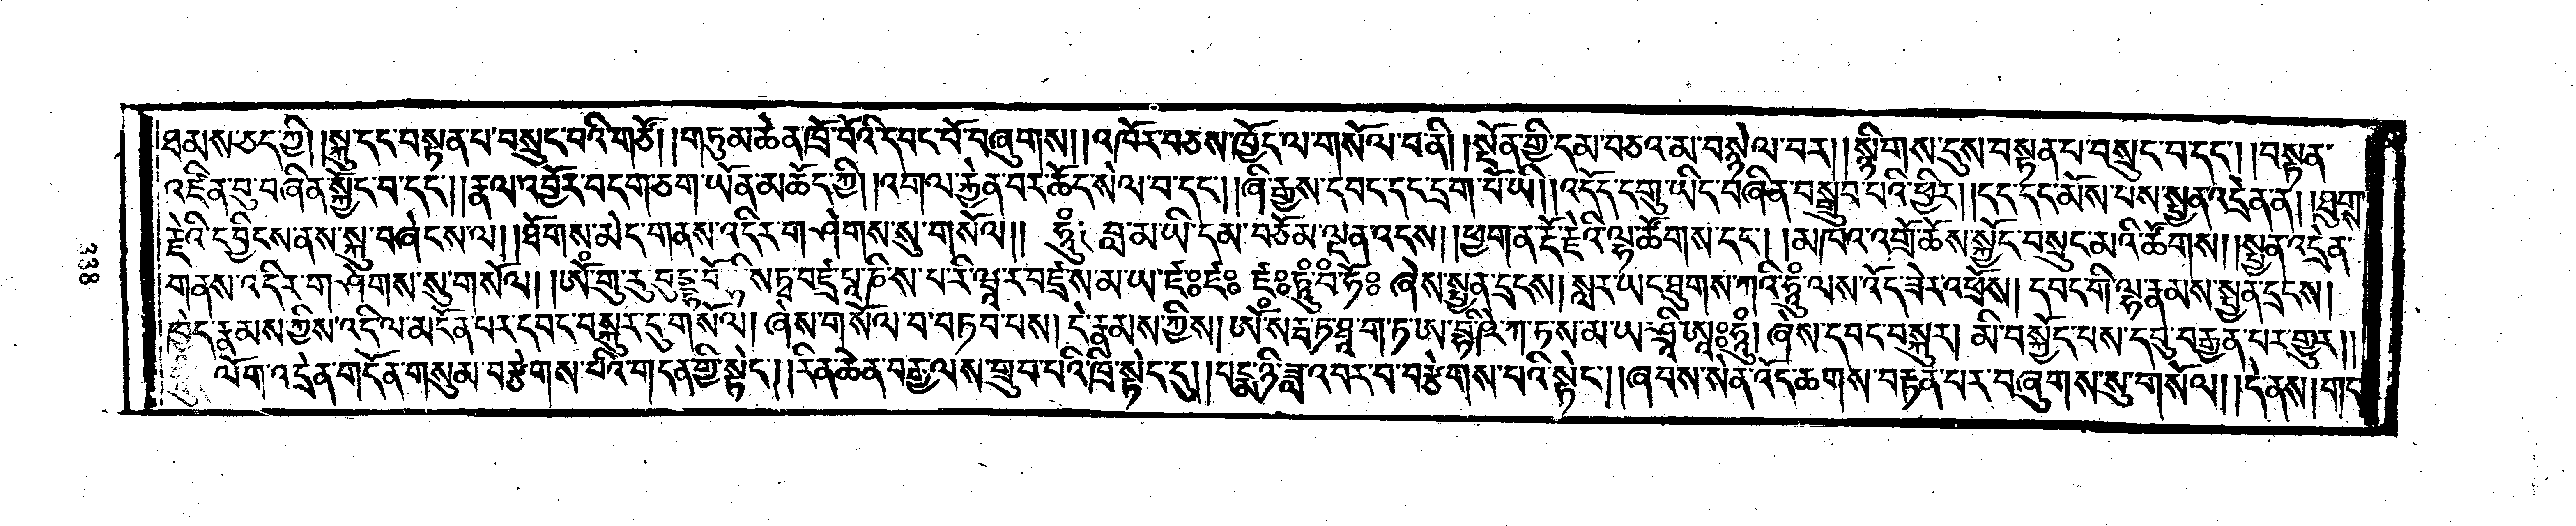ཐམས་ཅད་ཀྱི། །སྐུ་དང་བསྟན་པ་བསྲུང་བའི་གཙོ། །གཏུམ་ཆེན་ཁྲོ་བོའི་དབང་པོ་བཞུགས། །འཁོར་བཅས་ཁྱོད་ལ་གསོལ་བ་ནི། །སྔོན་གྱི་དམ་བཅའ་མ་བསྙེལ་བར། །སྙིགས་དུས་བསྟན་པ་བསྲུང་བ་དང་། །བསྟན་
འཛིན་བུ་བཞིན་སྐྱོང་བ་དང་། །རྣལ་འབྱོར་བདག་ཅག་ཡོན་མཆོད་ཀྱི། །འགལ་རྐྱེན་བར་ཆོད་སེལ་བ་དང་། །ཞི་རྒྱས་དབང་དང་དྲག་པོ་ཡི། །འདོད་དགུ་ཡིད་བཞིན་བསྒྲུབ་པའི་ཕྱིར། །དད་དང་མོས་པས་སྤྱན་འདྲེན་ན། །ཐུགས་
རྗེའི་དབྱིངས་ནས་སྐུ་བཞེངས་ལ། །ཐོགས་མེད་གནས་འདིར་གཤེགས་སུ་གསོལ། །ཧཱུཾ། བླ་མ་ཡི་དམ་བཅོམ་ལྡན་འདས། །ཕྱག་ན་རྡོ་རྗེའི་ལྷ་ཚོགས་དང་། །མཁའ་འགྲོ་ཆོས་སྐྱོང་བསྲུང་མའི་ཚོགས། །སྤྱན་འདྲེན་
གནས་འདིར་གཤེགས་སུ་གསོལ། །ཨོཾ་གུ་རུ་བུདྡྷ་བོ་དྷི་སཏྭ་བཛྲ་པཱ་ཎི་ས་པ་རི་ཝཱ་ར་བཛྲ་ས་མ་ཡ་ཛཿ ཛཿ ཛཿ ཧཱུཾ་བཾ་ཧོཿ ཞེས་སྤྱན་དྲངས། སླར་ཡང་ཐུགས་ཀའི་ཧཱུཾ་ལས་འོད་ཟེར་འཕྲོས། དབང་གི་ལྷ་རྣམས་སྤྱན་དྲངས།
ཁྱེད་རྣམས་ཀྱིས་འདི་ལ་མངོན་པར་དབང་བསྐུར་དུ་གསོལ། ཞེས་གསོལ་བ་བཏབ་པས། དེ་རྣམས་ཀྱིས། ཨོཾ་སརྦ་ཏ་ཐཱ་ག་ཏ་ཨ་བྷི་ཥེ་ཀ་ཏ་ས་མ་ཡ་ཤྲཱི་ཨཱཿ ཧཱུཾ། ཞེས་དབང་བསྐུར། མི་བསྐྱོད་པས་དབུ་བརྒྱན་པར་གྱུར།།
ཧཱུཾ། ལོག་འདྲེན་གདོན་གསུམ་བརྩེགས་པའི་གདན་གྱི་སྟེང་། །རིན་ཆེན་བརྒྱ་ལས་གྲུབ་པའི་ཁྲི་སྟེང་དུ། །པདམ་ཉི་ཟླ་འབར་བ་བརྩེགས་པའི་སྟེང་། །ཞབས་སེན་འོད་ཆགས་བརྟན་པར་བཞུགས་སུ་གསོལ། །དེ་ནས། གང་